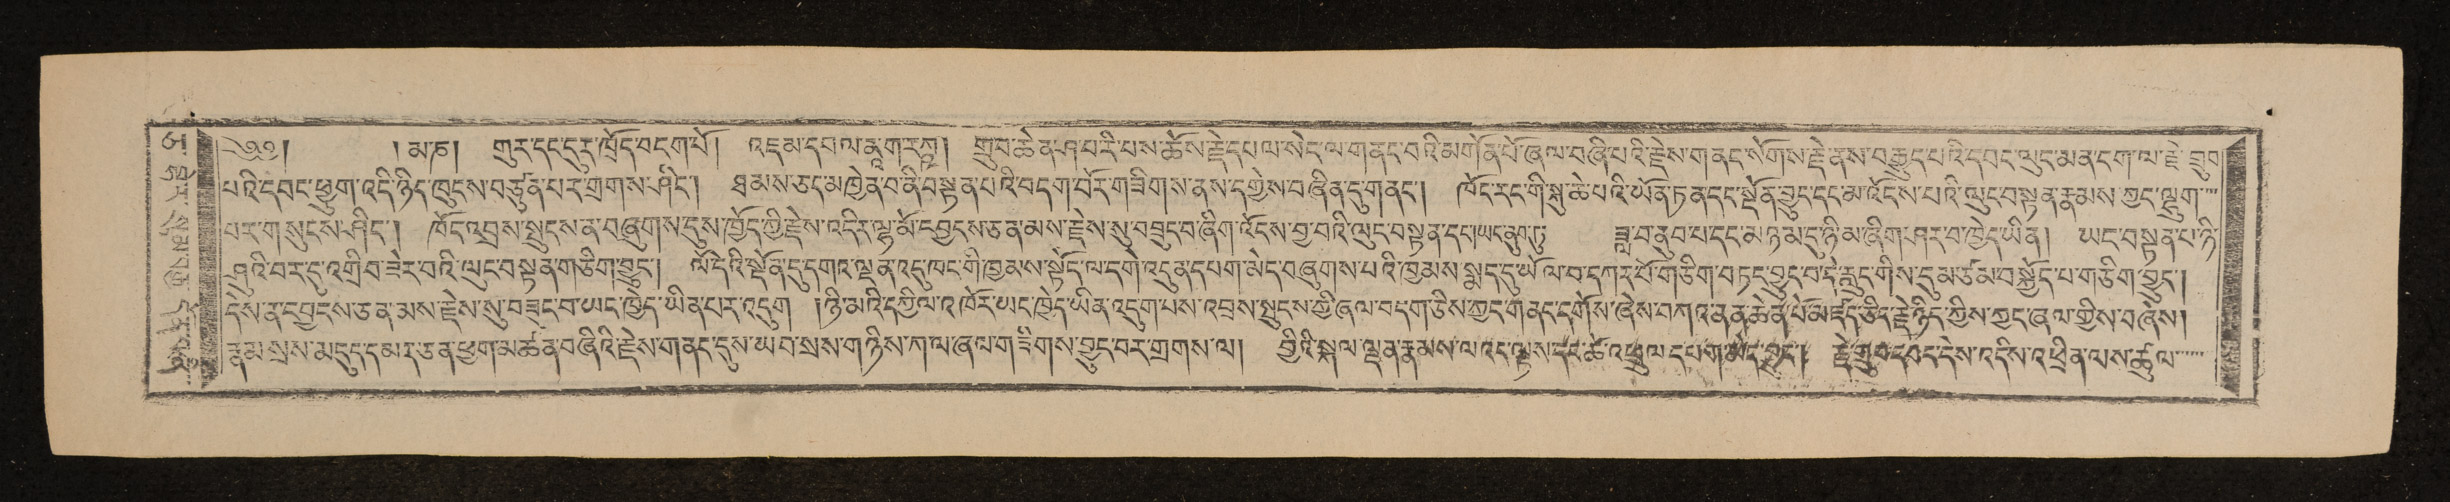༄༅། །མ་ཎ། གུར་དང་དུར་ཁྲོད་བདག་པོ། འཇམ་དཔལ་ནཱ་ག་རཀྵ། གྲུབ་ཆེན་ཤ་བ་རི་བས་ཆོས་རྗེ་དཔལ་སེང་ལ་གནང་པའི་མགོན་པོ་ཞལ་བཞི་པའི་རྗེས་གནང་སོགས་རྗེ་ནས་བརྒྱུད་པའི་དབང་ལུང་མན་ངག་ལ་རྗེ་གྲུབ་
པའི་དབང་ཕྱུག་འདི་ཉིད་ཁུངས་བཙུན་པར་གྲགས་ཤིང་། ཐམས་ཅད་མཁྱེན་པ་ནི་བསྟན་པའི་བདག་པོར་གཟིགས་ནས་དགྱེས་བཞིན་དུ་གནང་། ཁོང་རང་གི་སྐུ་ཆེ་བའི་ཡོན་ཏན་དང་སྔོན་བྱུང་དང་མ་འོངས་པའི་ལུང་བསྟན་རྣམས་ཀྱང་ལྷུག་
པར་གསུངས་ཤིང་། ཁོང་འབྲས་སྤུངས་ན་བཞུགས་དུས་ཁྱོད་ཀྱི་རྗེས་འདིར་ལྷ་མོ་དབྱངས་ཅན་མས་རྗེས་སུ་བཟུང་བ་ཞིག་འོངས་བྱ་བའི་ལུང་བསྟན་དང་། ཡང་ནུབ་ཏུ་ཟླ་བ་ནུབ་པ་དང་མཉམ་དུ་ཉི་མ་ཞིག་ཤར་བ་ཁྱེད་ཡིན། ཡང་བསྟན་པ་ཉི་
ཤུའི་བར་དུ་འགྲིབ་ཟེར་བའི་ལུང་བསྟན་གཅིག་བྱུང་། ལོ་དེའི་སྔོན་དུ་དགའ་ལྡན་འདུ་ཁང་གི་ཁྱམས་སྟོད་ལ་དགེ་འདུན་དཔག་མེད་བཞུགས་པའི་ཁྱམས་སྨད་དུ་ཡོལ་བ་དཀར་པོ་གཅིག་བཏང་བྱུང་བ་དེ་རླུང་གིས་དུམ་ཙམ་བསྐྱོད་པ་གཅིག་བྱུང་།
དེས་ན་དབྱངས་ཅན་མས་རྗེས་སུ་བཟུང་བ་ཡང་ཁྱེད་ཡིན་པར་འདུག །ཉི་མའི་དཀྱིལ་འཁོར་ཡང་ཁྱེད་ཡིན་འདུག་པས་འབྲས་སྤུངས་ཀྱི་ཞལ་བདག་ཅིས་ཀྱང་གནང་དགོས་ཞེས་བཀའ་ནན་ཆེན་པོ་མཛད་ཅིང་རྗེ་ཉིད་ཀྱིས་ཀྱང་ཞལ་གྱིས་བཞེས།
རྣམ་སྲས་མདུང་དམར་ཅན་ཕྱག་མཚན་བཞིའི་རྗེས་གནང་དུས་ཡབ་སྲས་གཉིས་ཀ་ལ་ཞལ་གཟིགས་བྱུང་བར་གྲགས་ལ། ཕྱིའི་སྐལ་ལྡན་རྣམས་ལའང་ལྟས་དང་ཆོ་འཕྲུལ་དཔག་མེད་བྱུང་། རྗེ་གྲུབ་དབང་དེས་འདིས་འཕྲིན་ལས་ཚུལ་